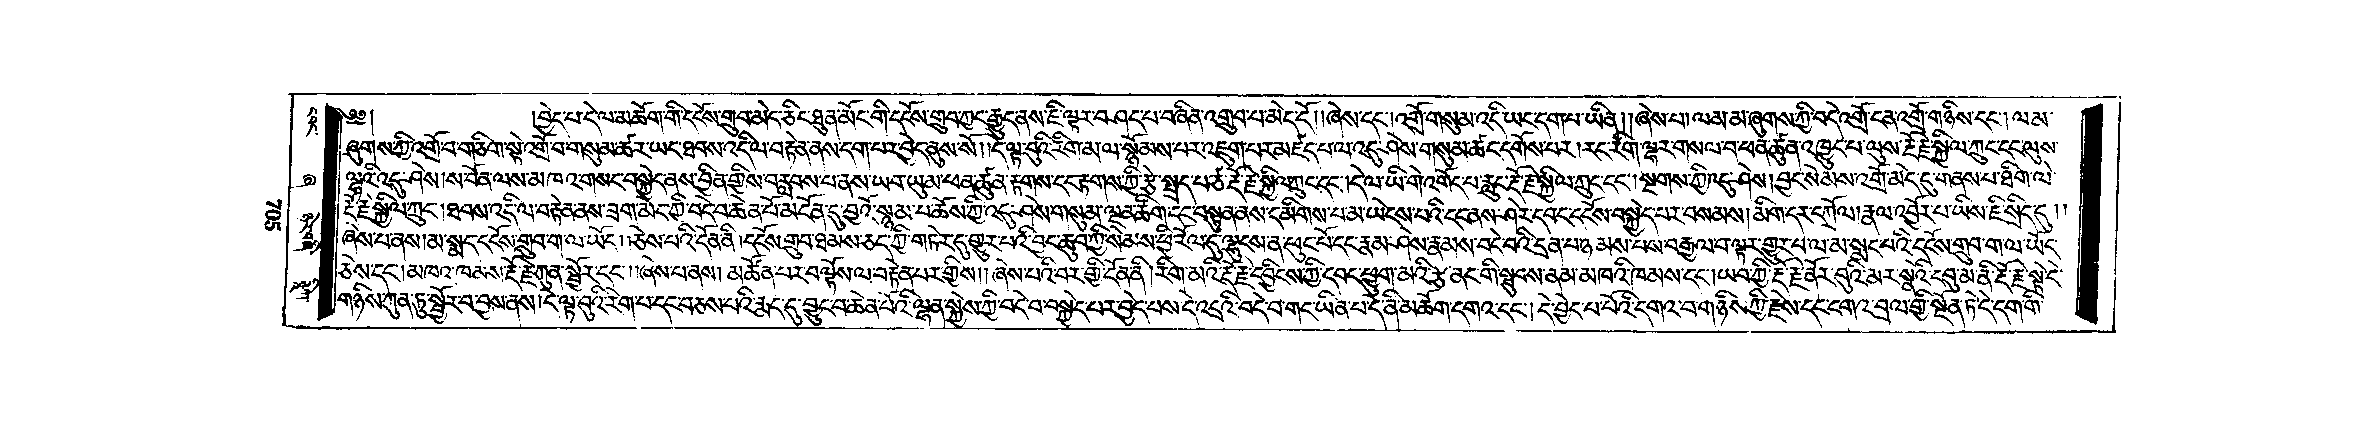༄༅། །བྱེད་པ་དེ་ལ་མཆོག་གི་དངོས་གྲུབ་མེད་ཅིང་ཐུན་མོང་གི་དངོས་གྲུབ་ཀྱང་རྒྱུད་ནས་ཇི་ལྟར་བཤད་པ་བཞིན་འགྲུབ་པ་མེད་དོ། །ཞེས་དང་། འགྲོ་གསུམ་འདི་ཡང་དག་པ་ཡིན། །ཞེས་པ། ལམ་མ་ཞུགས་ཀྱི་བདེ་འགྲོ་ངན་འགྲོ་གཉིས་དང་། ལམ་
ཞུགས་ཀྱི་འགྲོ་བ་གཅིག་སྟེ་འགྲོ་བ་གསུམ་ཚར་ཡང་ཐབས་འདི་ལ་བརྟེན་ནས་དག་པར་བྱེད་ནུས་སོ། །དེ་ལྟ་བུའི་རིག་མ་ལ་སྙོམས་པར་འཇུག་པར་མཛད་པ་ལ་འདུ་ཤེས་གསུམ་ཚང་དགོས་པར། རང་རིག་ལྷར་གསལ་བ་ཕན་ཚུན་འཁྱུད་པ་ལུས་རྡོ་རྗེ་སྐྱིལ་ཀྲུང་དང་ལུས་
ལྷའི་འདུ་ཤེས། ས་བོན་ལས་མཁའ་གསང་བསྐྱེད་ནས་བྱིན་གྱིས་བརླབས་པ་ནས་ཡབ་ཡུམ་ཕན་ཚུན་རྟགས་དང་རྟགས་ཀྱི་རྩེ་སྤྲད་པ་ཙ་རྡོ་རྗེ་སྐྱིལ་ཀྲུང་དང་། དེ་ལ་ཡི་གེ་འགོད་པ་རླུང་རྡོ་རྗེ་སྐྱིལ་ཀྲུང་དང་། སྔགས་ཀྱི་འདུ་ཤེས། བྱང་སེམས་འགྲོ་མེད་དུ་གནས་པ་ཐིག་ལེ་
རྡོ་རྗེ་སྐྱིལ་ཀྲུང་། ཐབས་འདི་ལ་བརྟེན་ནས་ཟག་མེད་ཀྱི་བདེ་བ་ཆེན་པོ་མངོན་དུ་བྱའོ་སྙམ་པ་ཆོས་ཀྱི་འདུ་ཤེས་གསུམ་ལྡན་ཚིག་དང་བསྟུན་ནས་དམིགས་པ་མ་ཡེངས་པའི་དང་ནས་ཤེར་དབང་དངོས་བསྐྱེད་པར་བསམས། མིག་དར་དཀྲོལ། རྣལ་འབྱོར་པ་ཡིས་ཇི་སྲིད་དུ། །
ཞེས་པ་ནས། མ་སྨད་དངོས་གྲུབ་ག་ལ་ཡོད། །ཅེས་པའི་དོན་ནི། དངོས་གྲུབ་ཐམས་ཅད་ཀྱི་གཏེར་དུ་གྱུར་པའི་བྱང་ཆུབ་ཀྱི་སེམས་ཕྱི་རོལ་དུ་ལྷུངས་ན་ཕུང་པོ་དང་རྣམ་ཤེས་རྣམས་བདེ་བའི་དྲན་པ་ཉམས་པས་བརྒྱལ་བ་ལྟར་གྱུར་པ་ལ་མ་སྨད་པའི་དངོས་གྲུབ་ག་ལ་ཡོད་
ཅེས་དང་། མཁའ་ཁམས་རྡོ་རྗེ་ཀུན་སྦྱོར་དང་། །ཞེས་པ་ནས། མཚོན་པར་བལྟོས་ལ་བརྟེན་པར་གྱིས། །ཞེས་པའི་བར་གྱི་དོན་ནི། རིག་མའི་རྡོ་རྗེ་དབྱིངས་ཀྱི་དབང་ཕྱུག་མའི་རྩ་ནང་གི་སྦུབས་ནམ་མཁའི་ཁམས་དང་། ཡབ་ཀྱི་རྡོ་རྗེ་ནོར་བུའི་མར་སྣེའི་དབུ་མ་ནི་རྡོ་རྗེ་སྟེ་དེ་
གཉིས་ཀུན་ཏུ་སྦྱོར་བ་བྱས་ནས། དེ་ལྟ་བུའི་རེག་པ་དང་བཅས་པའི་རྨད་དུ་བྱུང་བ་ཆེན་པོའི་ལྷན་སྐྱེས་ཀྱི་བདེ་བ་བསྐྱེད་པར་བྱེད་པས་དེ་འདྲའི་བདེ་བ་གང་ཡིན་པ་དེ་ནི་མཆོག་དགའ་དང་། དེ་བྱེད་པ་པོའི་དགའ་བ་གཉིས་ཀྱི་རྗེས་དང་དགའ་བྲལ་གྱི་སྔོན་ཏེ་དེ་དག་གི་